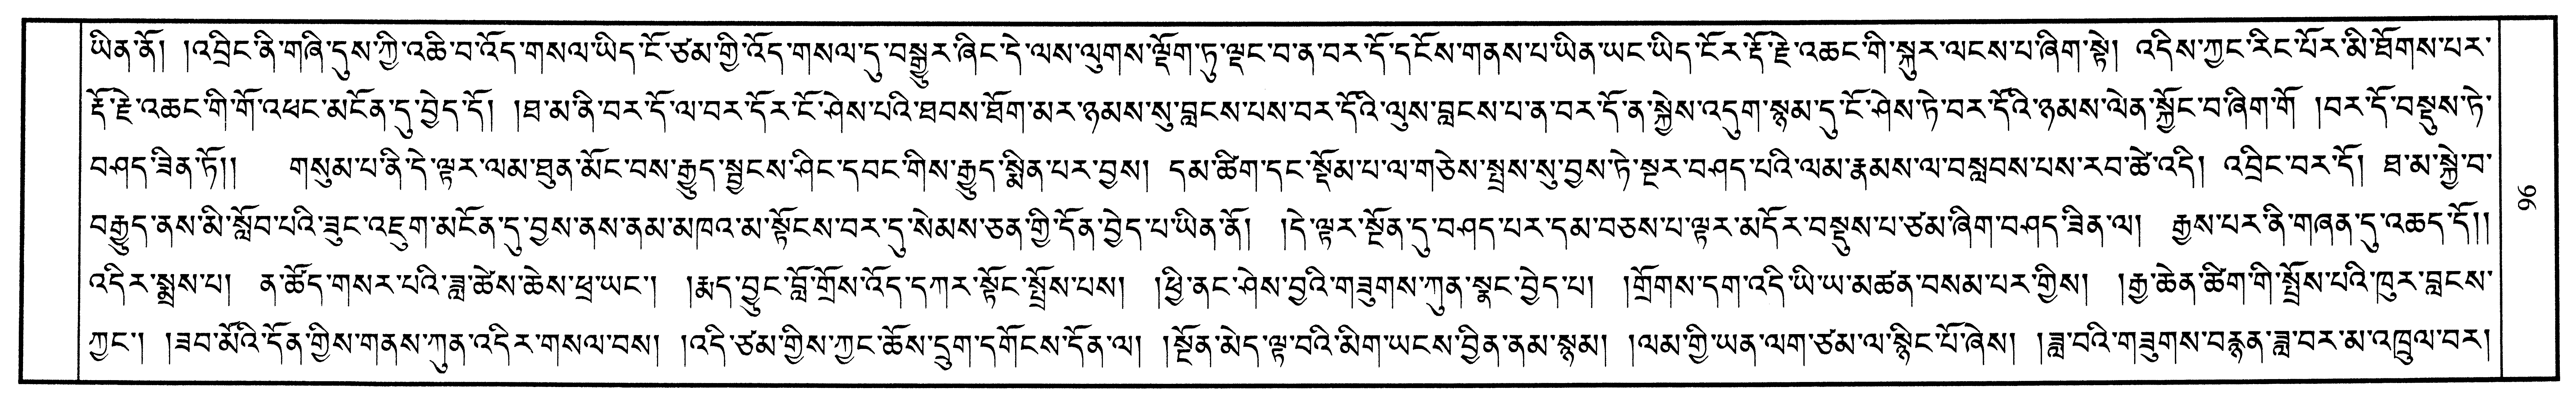ཡིན་ནོ། །འབྲིང་ནི་གཞི་དུས་ཀྱི་འཆི་བ་འོད་གསལ་ཡིད་ངོ་ཙམ་གྱི་འོད་གསལ་དུ་བསྒྱུར་ཞིང་དེ་ལས་ལུགས་ལྡོག་ཏུ་ལྡང་བ་ན་བར་དོ་དངོས་གནས་པ་ཡིན་ཡང་ཡིད་ངོར་རྡོ་རྗེ་འཆང་གི་སྐུར་ལངས་པ་ཞིག་སྟེ། འདིས་ཀྱང་རིང་པོར་མི་ཐོགས་པར་
རྡོ་རྗེ་འཆང་གི་གོ་འཕང་མངོན་དུ་བྱེད་དོ། །ཐ་མ་ནི་བར་དོ་ལ་བར་དོར་ངོ་ཤེས་པའི་ཐབས་ཐོག་མར་ཉམས་སུ་བླངས་པས་བར་དོའི་ལུས་བླངས་པ་ན་བར་དོ་ན་སྐྱེས་འདུག་སྙམ་དུ་ངོ་ཤེས་ཏེ་བར་དོའི་ཉམས་ལེན་སྐྱོང་བ་ཞིག་གོ །བར་དོ་བསྡུས་ཏེ་
བཤད་ཟིན་ཏོ།། གསུམ་པ་ནི་དེ་ལྟར་ལམ་ཐུན་མོང་བས་རྒྱུད་སྦྱངས་ཤིང་དབང་གིས་རྒྱུད་སྨིན་པར་བྱས། དམ་ཚིག་དང་སྡོམ་པ་ལ་གཅེས་སྤྲས་སུ་བྱས་ཏེ་སྔར་བཤད་པའི་ལམ་རྣམས་ལ་བསླབས་པས་རབ་ཚེ་འདི། འབྲིང་བར་དོ། ཐ་མ་སྐྱེ་བ་
བརྒྱུད་ནས་མི་སློབ་པའི་ཟུང་འཇུག་མངོན་དུ་བྱས་ནས་ནམ་མཁའ་མ་སྟོངས་བར་དུ་སེམས་ཅན་གྱི་དོན་བྱེད་པ་ཡིན་ནོ། །དེ་ལྟར་སྔོན་དུ་བཤད་པར་དམ་བཅས་པར་ལྟར་མདོར་བསྡུས་པ་ཙམ་ཞིག་བཤད་ཟིན་ལ། རྒྱས་པར་ནི་གཞན་དུ་འཆད་དོ།།
འདིར་སྨྲས་པ། ན་ཚོད་གསར་པའི་ཟླ་ཚེས་ཆེས་ཕྲ་ཡང་། །རྨད་བྱུང་བློ་གྲོས་འོད་དཀར་སྟོང་སྤྲོས་པས། །ཕྱི་ནང་ཤེས་བྱའི་གཟུགས་ཀུན་སྣང་བྱེད་པ། །གྲོགས་དག་འདི་ཡི་ཡ་མཚན་བསམ་པར་གྱིས། །རྒྱ་ཆེན་ཚིག་གི་སྤྲོས་པའི་ཁུར་བླངས་
ཀྱང་། །ཟབ་མོའི་དོན་གྱིས་གནས་ཀུན་འདིར་གསལ་བས། །འདི་ཙམ་གྱིས་ཀྱང་ཆོས་དྲུག་དགོངས་དོན་ལ། །སྔོན་མེད་ལྟ་བའི་མིག་ཡངས་བྱིན་ནམ་སྙམ། །ལམ་གྱི་ཡན་ལག་ཙམ་ལ་སྙིང་པོ་ཞེས། །ཟླ་བའི་གཟུགས་བརྙན་ཟླ་བར་མ་འཁྲུལ་བར།